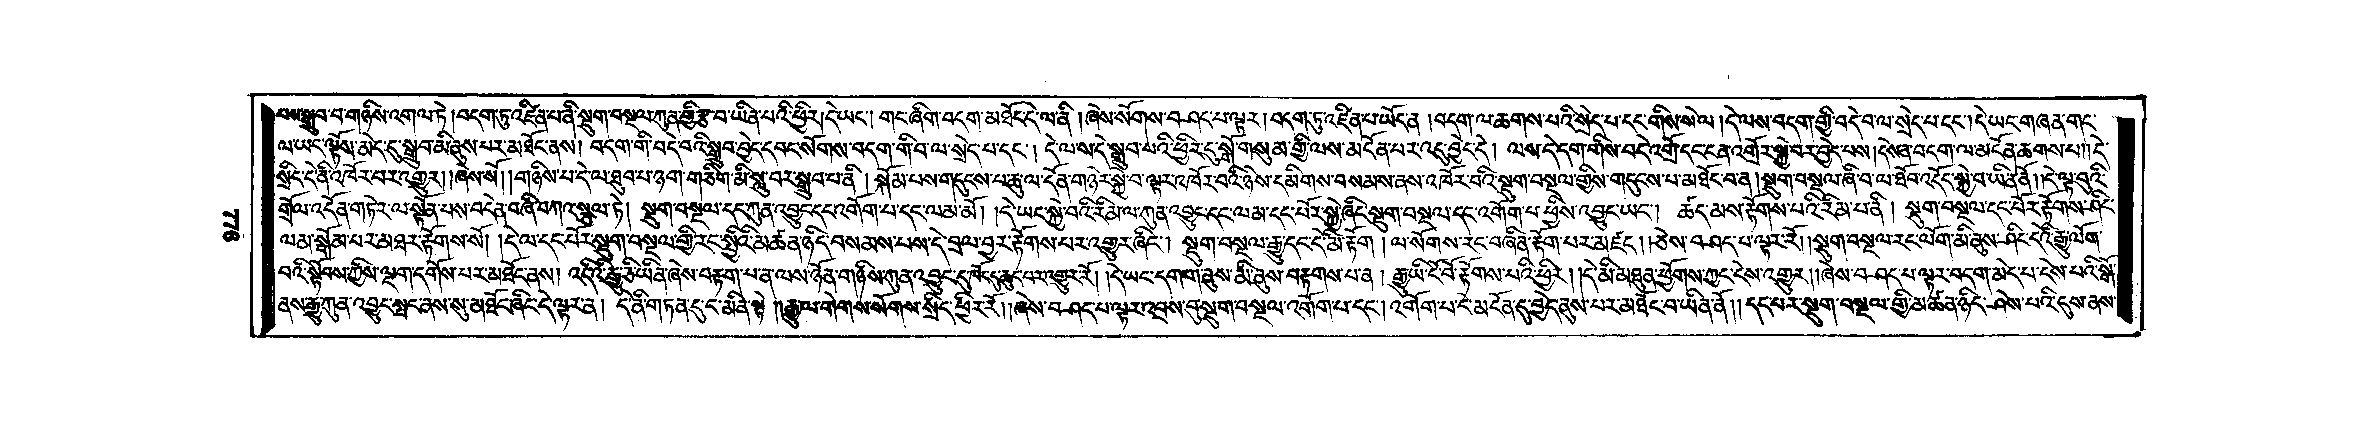པས་སྒྲུབ་པ་གཉིས་འགལ་ཏེ། བདག་ཏུ་འཛིན་པ་ནི་སྡུག་བསྔལ་ཀུན་གྱི་རྩ་བ་ཡིན་པའི་ཕྱིར། དེ་ཡང་། གང་ཞིག་བདག་མཐོང་དེ་ལ་ནི། ཞེས་སོགས་བཤད་པ་ལྟར། བདག་ཏུ་འཛིན་པ་ཡོད་ན། བདག་ལ་ཆགས་པའི་སྲེད་པ་དང་གིས་སེལ། དེ་ལས་བདག་གྱི་བདེ་བ་ལ་སྲེད་པ་དང་། དེ་ཡང་གཞན་གང་
ལ་ཡང་ལྟོས་མེད་དུ་སྒྲུབ་མི་ནུས་པར་མཐོང་ནས། བདག་གི་བདེ་བའི་སྒྲུབ་བྱེད་དབང་སོགས་བདག་གི་བ་ལ་སྲེད་པ་དང་། དེ་ལ་ས་དེ་སྒྲུབ་པའི་ཕྱིར་དུ་སྒོ་གསུམ་གྱི་ལས་མངོན་པར་འདུ་བྱེད་དེ། ལས་དེ་དག་གིས་བདེ་འགྲོ་དང་ངན་འགྲོར་སྐྱེ་བར་བྱེད་པས། དེས་ན་བདག་ལ་མངོན་ཆགས་པ། །དེ་
སྲིད་དེ་ནི་འཁོར་བར་འགྱུར། །ཞེས་སོ། །གཉིས་པ་དེ་ལ་ཐུབ་པ་ཉག་གཅིག་མི་སླུ་བར་སྒྲུབ་པ་ནི། སྐོམ་པས་གདུངས་པ་ཆུ་ལ་དོན་གཉེར་སྐྱེ་བ་ལྟར་འཁོར་བའི་ཉེས་དམིགས་བསམས་ནས་འཁོར་བའི་སྡུག་བསྔལ་གྱིས་གདུངས་པ་མཐོང་བ་ན། སྡུག་བསྔལ་ཞི་བ་ལ་ཐོབ་འདོད་སྐྱེ་བ་ཡིན་ནོ། །དེ་ལྟ་བུའི་
གྲོལ་འདོན་གཏེར་ལ་སྟོན་པས་བདེན་བཞི་བཀའ་སྩལ་ཏེ། སྡུག་བསྔལ་དང་ཀུན་འབྱུང་དང་འགོག་པ་དང་ལམ་མོ། །དེ་ཡང་སྐྱེ་བའི་རིམ་ལ་ཀུན་འབྱུང་དང་ལམ་དང་པོར་སྐྱེ་ཞིང་སྡུག་བསྔལ་དང་འགོག་པ་ཕྱིས་འབྱུང་ཡང་། ཚད་མས་རྟོགས་པའི་རིམ་པ་ནི། སྡུག་བསྔལ་དང་པོར་རྟོགས་ཤིང་
ལམ་སྒོམ་པར་མཐར་རྟོགས་སོ། །དེ་ལ་དང་པོར་སྡུག་བསྔལ་གྱི་རང་སྤྱིའི་མཚན་ཉིད་བསམས་པས་དེ་བྲལ་བྱར་རྟོགས་པར་འགྱུར་ཞིང་། སྡུག་བསྔལ་རྒྱུ་དང་དེ་མི་རྟོག །ལ་སོགས་རང་བཞིན་རྟོག་པར་མཛད། །ཅེས་བཤད་པ་ལྟར་རོ། །སྡུག་བསྔལ་རང་ལོག་མི་ནུས་ཤིང་དེའི་རྒྱུ་ལོག་
བའི་སྟོབས་ཀྱིས་ལྡག་དགོས་པར་མཐོང་ནས། འདིའི་རྒྱུ་ཅི་ཡིན་ཞེས་བརྟག་པ་ན་ལས་ཉོན་གཉིས་ཀུན་འབྱུང་དུ་ཁོང་དུ་ཆུད་པར་འགྱུར་རོ། །དེ་ཡང་དགག་ནུས་མི་ནུས་བརྟགས་པ་ན། རྒྱུ་ཡི་ངོ་བོ་རྟོགས་པའི་ཕྱིར། །དེ་མི་མཐུན་ཕྱོགས་ཀྱང་ངེས་འགྱུར། །ཞེས་བཤད་པ་ལྟར་བདག་མེད་པ་ངེས་པའི་སྒོ་
ནས་རྒྱུ་ཀུན་འབྱུང་སྤང་ནས་སུ་མཐོང་ཞིང་དེ་ལྟར་ན། དེ་ནི་གཏན་དུ་ང་མིན་སྟེ། །རྒྱུ་ལ་གེགས་སོགས་སྲིད་ཕྱིར་རོ། །ཞེས་བཤད་པ་ལྟར་འབྲས་བུ་སྡུག་བསྔལ་འགོག་པ་དང་། འགོག་པ་དེ་མངོན་དུ་བྱེད་ནུས་པར་མཐོང་བ་ཡིན་ནོ། །དད་པར་སྡུག་བསྔལ་གྱི་མཚན་ཉིད་ཤེས་པའི་དུས་ནས་